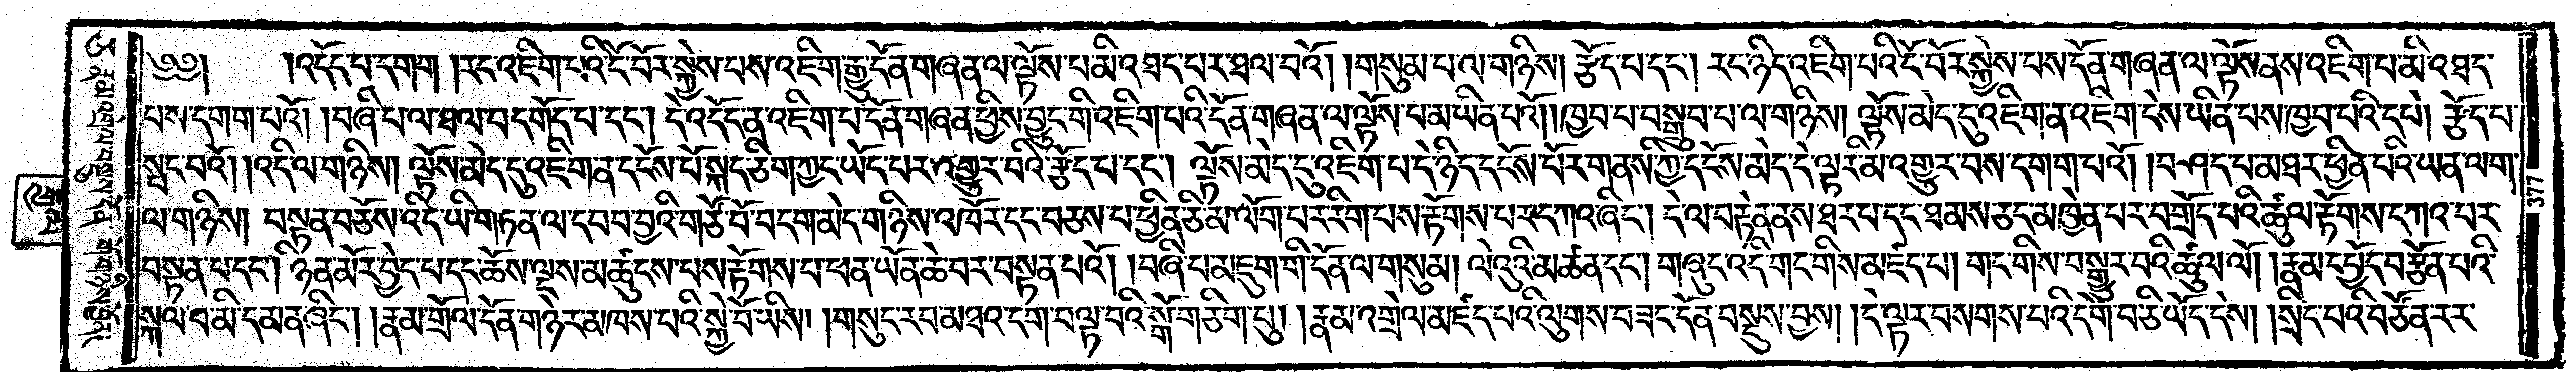༄༅། །འདོད་པ་དགག །རང་འཇིག་པའི་ངོ་བོར་སྐྱེས་པས་འཇིག་རྒྱུ་དོན་གཞན་ལ་ལྟོས་པ་མི་འཐད་པར་ཐལ་པའོ། །གསུམ་པ་ལ་གཉིས། རྩོད་པ་དང་། རང་ཉིད་འཇིག་པའི་ངོ་བོར་སྐྱེས་པས་དོན་གཞན་ལ་ལྟོས་ནས་འཇིག་པ་མི་འཐད་
པས་དགག་པའོ། །བཞི་པ་ལ་ཐལ་བ་དགོད་པ་དང་། དེ་འདོད་ན་འཇིག་པ་དོན་གཞན་ཕྱིས་བྱུང་གི་འཇིག་པའི་དོན་གཞན་ལ་ལྟོས་པ་མ་ཡིན་པའོ། །ཁྱབ་པ་བསྒྲུབ་པ་ལ་གཉིས། ལྟོས་མེད་དུ་འཇིག་ན་འཇིག་ངེས་ཡིན་པས་ཁྱབ་པའི་དཔེ། རྩོད་པ་
སྤང་བའོ། །འདི་ལ་གཉིས། ལྟོས་མེད་དུ་འཇིག་ན་དངོས་པོ་སྐད་ཅིག་ཀྱང་ཡོད་པར་འགྱུར་བའི་རྩོད་པ་དང་། ལྟོས་མེད་དུ་འཇིག་པ་དེ་ཉིད་དངོས་པོར་གནས་ཀྱི་དངོས་མེད་དེ་ལྟར་མི་འགྱུར་བས་དགག་པའོ། །བཤད་པ་མཐར་ཕྱིན་པའི་ཡན་ལག་
ལ་གཉིས། བསྟན་བཅོས་འདི་ཡི་གཏན་ལ་དབབ་བྱའི་གཙོ་བོ་བདག་མེད་གཉིས་འཁོར་དང་བཅས་པ་ཕྱིན་ཅི་མ་ལོག་པར་རིག་པས་རྟོགས་པར་དཀའ་ཞིང་། དེ་ལ་བརྟེན་ནས་ཐར་པ་དང་ཐམས་ཅད་མཁྱེན་པར་བགྲོད་པའི་ཚུལ་རྟོགས་དཀའ་པར་
བསྟན་པ་དང་། ཉིན་མོར་བྱེད་པ་དང་ཆོས་ལྔས་མཚུངས་པས་རྟོགས་པ་ཕན་ཡོན་ཆེ་བར་བསྟན་པའོ། །བཞི་པ་མཇུག་གི་དོན་ལ་གསུམ། ལེའུའི་མཚན་དང་། གཞུང་འདི་གང་གིས་མཛད་པ། གང་གིས་བསྒྱུར་བའི་ཚུལ་ལོ། །རྣམ་དཔྱོད་བརྩོན་པའི་
སྐལ་བ་མི་དམན་ཞིང་། །རྣམ་གྲོལ་དོན་གཉེར་མཁས་པའི་སྐྱེ་བོ་ཡིས། །གསུང་རབ་མཐའ་དག་བལྟ་བའི་སྒོ་གཅིག་པུ། །རྣམ་འགྲེལ་མཛད་པའི་ལུགས་བཟང་དོན་བསྡུས་བྱས། །དེ་ལྟར་བསགས་པའི་དགེ་བ་ཅི་ཡོད་དེས། །སྲིད་པའི་བཙོན་རར་